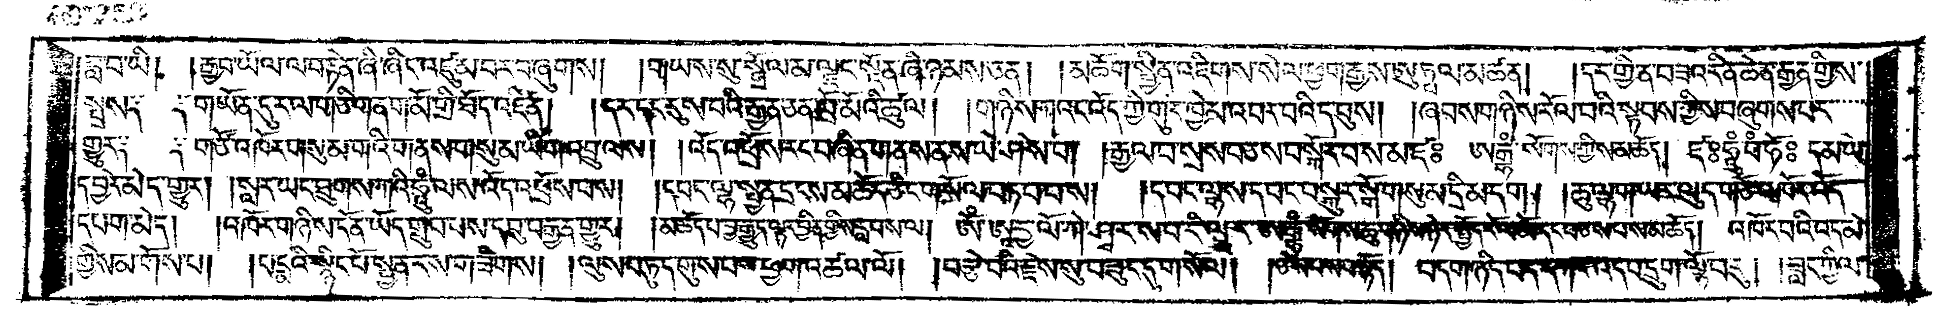ཟླ་བ་ཡི། །རྒྱབ་ཡོལ་ལ་བརྟེན་ཞི་ཞིང་འཛུམ་པར་བཞུགས། །གཡས་སུ་སྒྲོལ་མ་ལྗང་སྔོན་ཞི་ཉམས་ཅན། །མཆོག་སྦྱིན་འཇིགས་སེལ་ཕྱག་རྒྱས་ཨུཏྤལ་མཚན། །དར་གྱི་ན་བཟའ་རིན་ཆེན་རྒྱན་གྱིས་
སྤྲས༑ ༑གཡོན་དུར་ལ་གཅིག་ནག་མོ་གྲི་ཐོད་འཛིན། །དར་དང་རུས་པའི་རྒྱན་ཅན་ཁྲོ་མོའི་ཚུལ། །གཉིས་ཀའང་འོད་ཀྱི་གུར་ཁྱིམ་འབར་བའི་དབུས། །ཞབས་གཉིས་རོལ་བའི་སྟབས་ཀྱིས་བཞུགས་པར་
གྱུར༑ ༑གཙོ་འཁོར་གསུམ་གའི་གནས་གསུམ་ཡིག་འབྲུ་ལས། །འོད་འཕྲོས་རང་བཞིན་གནས་ནས་ཡེ་ཤེས་པ། །རྒྱལ་བ་སྲས་བཅས་བསྐོར་བ་ས་མ་ཛཿ ཨརྒྷཾ་སོགས་ཀྱིས་མཆོད།  ཛཿ ཧཱུཾ་བཾ་ཧོཿ དམ་ཡེ་
དབྱེར་མེད་གྱུར། །སླར་ཡང་ཐུགས་ཀའི་ཧཱུཾ་ལས་འོད་འཕྲོས་བས། །དབང་ལྷ་སྤྱན་དྲངས་མཆོད་ཅིང་གསོལ་བཏབ་པས། །དབང་ལྷས་དབང་བསྐུར་སྒོ་གསུམ་དྲི་མ་དག །ཆུ་ལྷག་ཡར་ལུད་གཙོ་འཁོར་འོད་
དཔག་མེད། །འཁོར་གཉིས་དོན་ཡོད་གྲུབ་པས་དབུ་བརྒྱན་གྱུར། ། མཆོད་པ་བྱ་རྒྱུད་ལྟར་བྱིན་གྱིས་རླབས་ལ།  ཨོཾ་ཨཱརྱ་ལོ་ཀེ་ཤྭ་ར་ས་བ་རི་ཝཱ་ར་ཨརྒྷཾ་སོགས་ཆུ་གཉིས་ཉེར་སྤྱོད་རོལ་མོ་དང་བཅས་པས་མཆོད།  འཁོར་བའི་འདམ་
གྱིས་མ་གོས་པ། །པདམའི་སྙིང་པོ་སྤྱན་རས་གཟིགས། །ལུས་བཏུད་གུས་པས་ཕྱག་འཚལ་ལོ། །བརྩེ་བའི་རྗེས་སུ་བཟུང་དུ་གསོལ། །ཅེས་པས་བསྟོད།  བདག་ཉིད་པད་དཀར་འདབ་དྲུག་ལྟོ་བ་རུ། །ཟླ་དཀྱིལ་